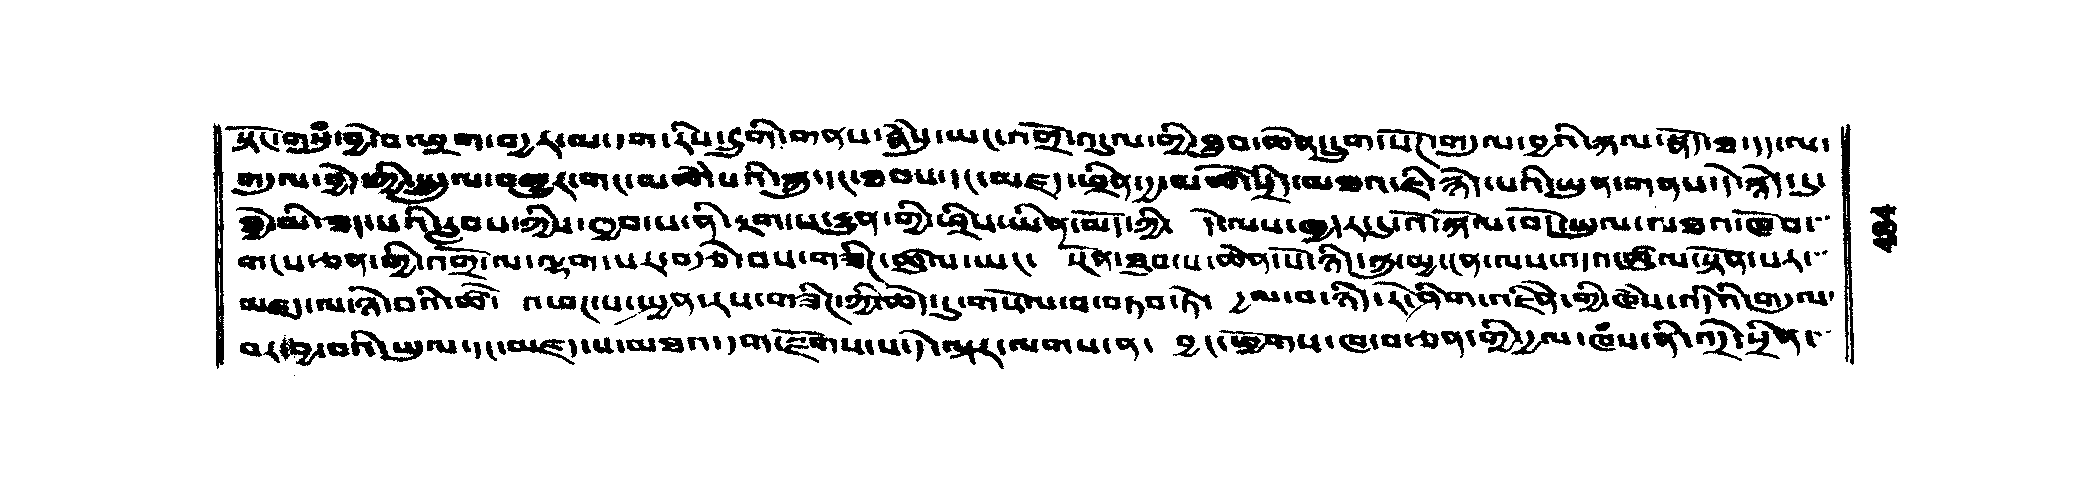སྟོང་གསུམ་བྱེ་བ་ཕྲག་བརྒྱར་མ་དག་རིགས་དྲུག་གི་གནས་རྣམས་སུ་ཡང་འགྲོ་འདུལ་གྱི་ཐུབ་ཆེན་དྲུག་སོགས་གདུལ་བྱའི་སྐལ་སྣོད་ཐ་དད་ལ་
གདུལ་བྱེད་ཀྱི་སྤྲུལ་བསྒྱུར་གང་མཚམས་པའི་སྐུ་དང་ཐབས་དང་མཛད་ཕྲིན་རྒྱ་མཚོ་སྲིད་མཐའ་ཇི་སྙེད་པའི་ཡུན་གནས་དེ་སྙེད་དུ་
ཐུགས་རྗེ་མི་ཟད་པའི་རླབས་ཀྱིས་ཁྱབ་པ་ནི་རྟག་པ་རྒྱུན་གྱི་ཕྲིན་ལས་ཡིན་མོད་ཀྱི། དེ་ལས་ཁྱད་པར་དུ་འོ་སྐོལ་བོད་ཡུལ་མཐའ་འཁོབ་
གངས་ཅན་གྱི་འགྲོ་ལ་ལྷག་པར་བརྩེ་བས་གཟིགས་ཚུལ་ཡང་། སྔོན་ཐུབ་པ་ཆེན་པོ་ཉིད་སྐུ་མྱ་ངན་ལས་འདའ་ཚུལ་སྟོན་པར་
མཛད་ལ་ཉེ་བའི་ཚེ། འཕགས་པ་སྤྱན་རས་གཟིགས་ཀྱི་ཆེད་དུ་གསོལ་བ་བཏབ་སྟེ། རྒྱལ་བ་ཉིད་རེ་ཤིག་འཇིག་རྟེན་གྱི་ཁམས་འདིའི་གདུལ་
བར་བྱ་བའི་ཡུལ་དང་མཛད་པ་མཐའ་དག་རྫོགས་པ་དེ་ལྟར་ལགས་ན། བྱང་ཕྱོགས་ཁ་བ་ཅན་གྱི་རྒྱལ་ཁམས་ནི་འདྲེ་སྲིན་